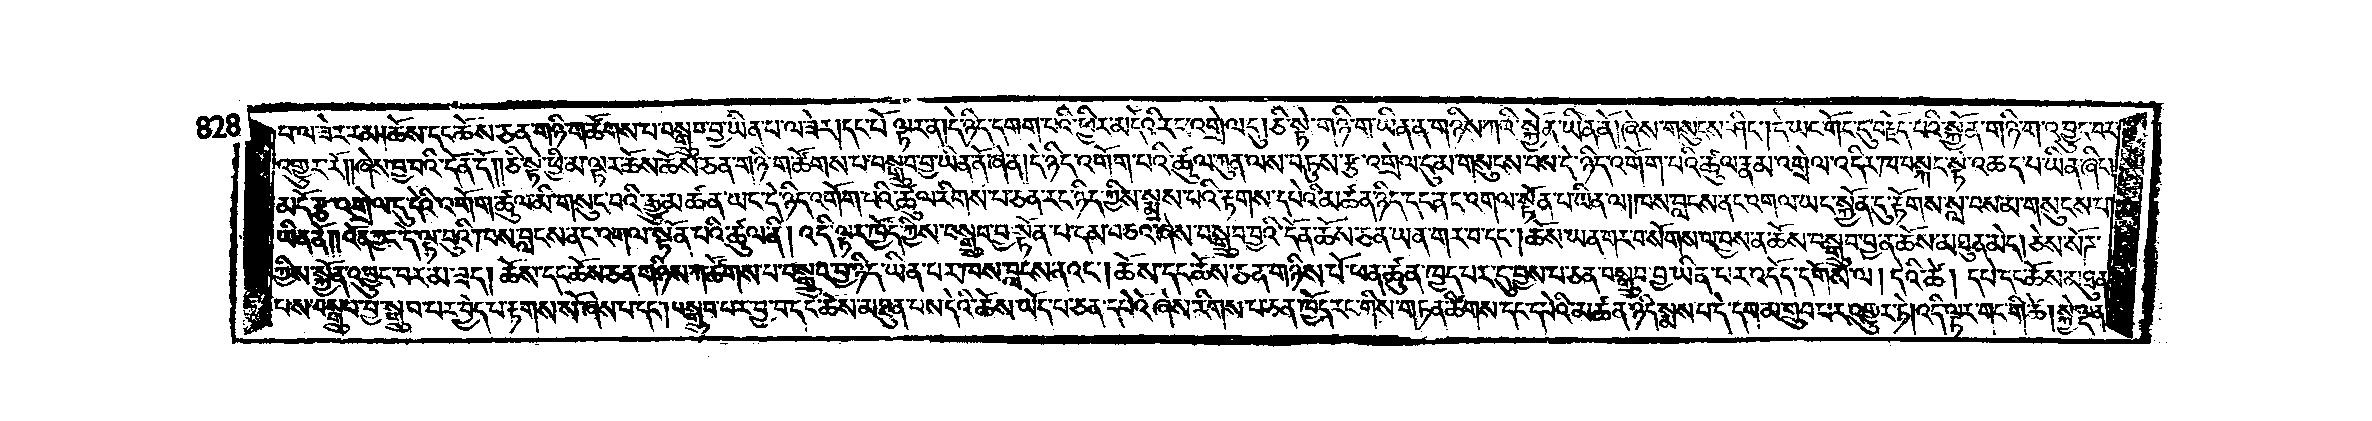པ་ལ་ཟེར་རམ། ཆོས་དང་ཆོས་ཅན་གཉི་ག་ཚོགས་པ་བསྒྲུབ་བྱ་ཡིན་པ་ལ་ཟེར། དང་པོ་ལྟར་ན། དེ་ཉིད་དགག་པའི་ཕྱིར་མདོའི་རང་འགྲེལ་དུ། ཅི་སྟེ་གཉི་ག་ཡིན་ན་གཉིས་ཀའི་སྐྱོན་ཡིན་ནོ། ཞེས་གསུངས་ཤིང་། དེ་ཡང་གོང་དུ་བརྗོད་པའི་སྐྱོན་གཉི་ག་འབྱུང་བར་
འགྱུར་རོ། །ཞེས་བྱ་བའི་དོན་དོ། །ཅི་སྟེ་ཕྱི་མ་ལྟར་ཆོས་ཆོས་ཅན་གཉི་ག་ཚོགས་པ་བསྒྲུབ་བྱ་ཡིན་ནོ་ཞེ་ན། དེ་ཉིད་འགོག་པའི་ཚུལ་ཀུན་ལས་བཏུས་རྩ་འགྲེལ་དུ་མ་གསུངས་པས་དེ་ཉིད་འགོག་པའི་ཚུལ་རྣམ་འགྲེལ་འདིར་ཁ་བསྐང་སྟེ་འཆད་པ་ཡིན་ཞིང་།
མདོ་རྩ་འགྲེལ་དུ་དེའི་འགོག་ཚུལ་མི་གསུང་བའི་རྒྱུ་མཚན་ཡང་དེ་ཉིད་འགོག་པའི་ཚུལ་རིགས་པ་ཅན་རང་ཉིད་ཀྱིས་སྨྲས་པའི་རྟགས་དཔེའི་མཚན་ཉིད་དང་ནང་འགལ་སྟོན་པ་ཡིན་ལ། ཁས་བླངས་ནང་འགལ་ཡང་སྐྱོན་དུ་རྟོགས་སླ་བས་མ་གསུངས་པ་
ཡིན་ནོ། །འོན་ཀྱང་དེ་ལྟ་བུའི་ཁས་བླངས་ནང་འགལ་སྟོན་པའི་ཚུལ་ནི། འདི་ལྟར་ཁྱོད་ཀྱིས་བསྒྲུབ་བྱ་སྟོན་པ་དམ་བཅའ་ཞེས་བསྒྲུབ་བྱའི་དོན་ཆོས་ཅན་ཡན་གར་བ་དང་། ཆོས་ཡན་གར་བ་སོགས་ལ་བྱས་ན་ཆོས་བསྒྲུབ་བྱ་ན་ཆོས་མཐུན་མེད། ཅེས་སོགས་
ཀྱིས་སྐྱོན་འབྱུང་བར་མ་ཟད། ཆོས་དང་ཆོས་ཅན་གཉིས་ཀ་ཚོགས་པ་བསྒྲུབ་བྱ་ཉིད་ཡིན་པར་ཁས་བླངས་ནའང་། ཆོས་དང་ཆོས་ཅན་གཉིས་པོ་ཕན་ཚུན་ཁྱད་པར་དུ་བྱས་པ་ཅན་བསྒྲུབ་བྱ་ཡིན་པར་འདོད་དགོས་ལ། དེའི་ཚེ། དཔེ་དང་ཆོས་མཐུན་
པས་བསྒྲུབ་བྱ་སྒྲུབ་པར་བྱེད་པ་རྟགས་སོ་ཞེས་པ་དང་། བསྒྲུབ་པར་བྱ་བ་དང་ཆོས་མཐུན་པས་དེའི་ཆོས་ཡོད་པ་ཅན་དཔེའོ་ཞེས་རིགས་པ་ཅན་ཁྱོད་རང་གིས་གཏན་ཚིགས་དང་དཔེའི་མཚན་ཉིད་སྨས་པ་དེ་དག་མ་གྲུབ་པར་འགྱུར་ཏེ། འདི་ལྟར་གང་གི་ཚེ། སྐྱེ་ལྡན་